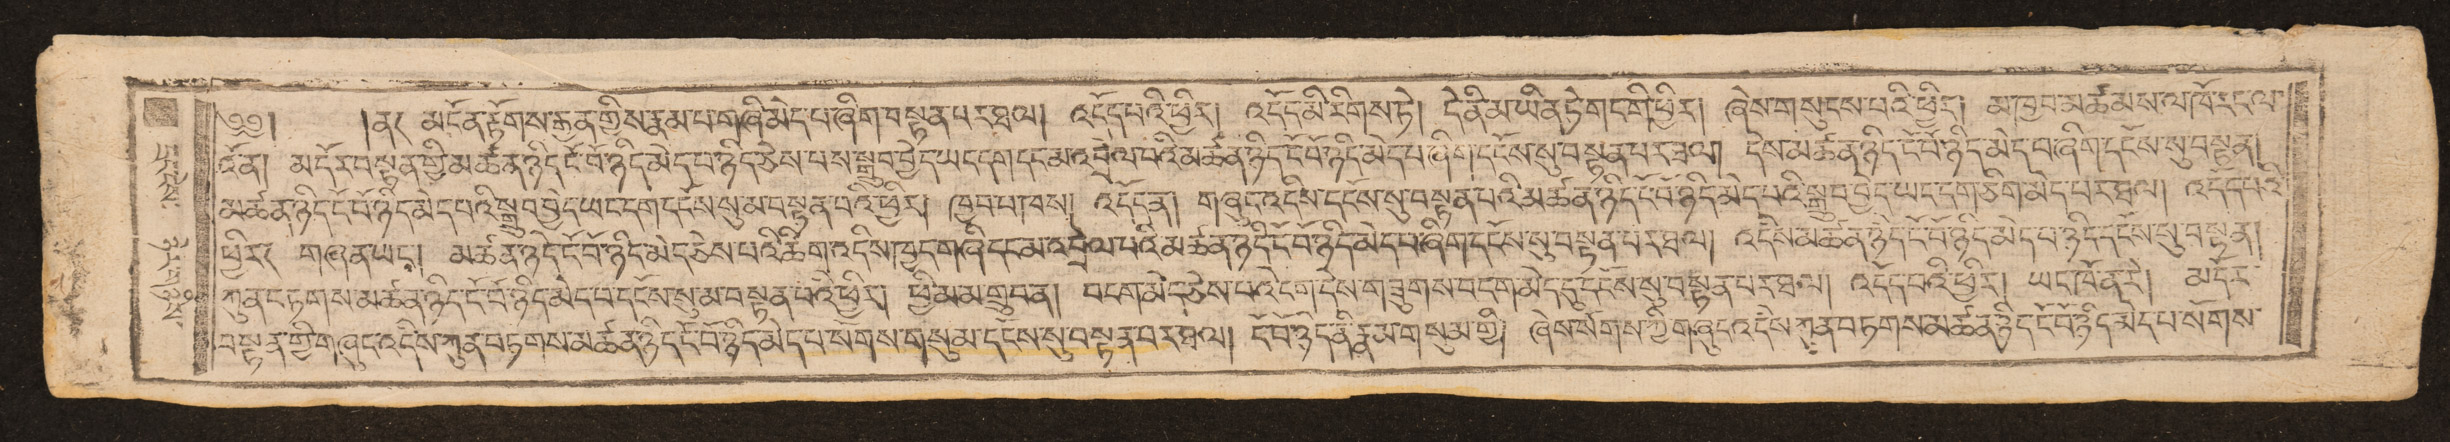༄༅། །ན༑ མངོན་རྟོགས་རྒྱན་གྱིས་རྣམ་པ་གཞི་མེད་པ་ཞིག་བསྟན་པར་ཐལ། འདོད་པའི་ཕྱིར། འདོད་མི་རིགས་ཏེ། དེ་ནི་མ་ཡིན་ཏེ་གང་གི་ཕྱིར། ཞེས་གསུངས་པའི་ཕྱིར། མ་ཁྱབ་མཚམས་ལ་ཁོ་རང་ལ་
འོ་ན། མདོར་བསྟན་གྱི་མཚན་ཉིད་ངོ་བོ་ཉིད་མེད་པ་ཉིད་ཅེས་པས་སྒྲུབ་བྱེད་ཡང་དག་དང་མ་འབྲེལ་བའི་མཚན་ཉིད་ངོ་བོ་ཉིད་མེད་པ་ཞིག་དངོས་སུ་བསྟན་པར་ཐལ། དེས་མཚན་ཉིད་ངོ་བོ་ཉིད་མེད་པ་ཞིག་དངོས་སུ་བསྟན།
མཚན་ཉིད་ངོ་བོ་ཉིད་མེད་པའི་སྒྲུབ་བྱེད་ཡང་དག་དངོས་སུ་མ་བསྟན་པའི་ཕྱིར། ཁྱབ་པ་ཁས། འདོད་ན། གཞུང་འདིས་དངོས་སུ་བསྟན་པའི་མཚན་ཉིད་ངོ་བོ་ཉིད་མེད་པའི་སྒྲུབ་བྱེད་ཡང་དག་ཅིག་མེད་པར་ཐལ། །འདོད་པའི་
ཕྱིར༑ གཞན་ཡང་། མཚན་ཉིད་ངོ་བོ་ཉིད་མེད་ཅེས་པའི་ཚིག་འདིས་ཁྱད་གཞི་དང་མ་འབྲེལ་པའི་མཚན་ཉིད་ངོ་བོ་ཉིད་མེད་པ་ཞིག་དངོས་སུ་བསྟན་པར་ཐལ། འདིས་མཚན་ཉིད་ངོ་བོ་ཉིད་མེད་པ་ཉིད་དངོས་སུ་བསྟན།
ཀུན་བཏགས་མཚན་ཉིད་ངོ་བོ་ཉིད་མེད་པ་དངོས་སུ་མ་བསྟན་པའི་ཕྱིར། ཕྱི་མ་མ་གྲུབ་ན། བདག་མེད་ཅེས་པའི་དག་དེས་གཟུགས་བདག་མེད་དུ་དངོས་སུ་བསྟན་པར་ཐལ། འདོད་པའི་ཕྱིར། ཡང་ཁོ་ན་རེ། མདོར་
བསྟན་གྱི་གཞུང་འདིས་ཀུན་བཏགས་མཚན་ཉིད་ངོ་བོ་ཉིད་མེད་པ་སོགས་གསུམ་དངོས་སུ་བསྟན་པར་ཐལ། ངོ་བོ་ཉིད་ནི་རྣམ་གསུམ་གྱི། ཞེས་སོགས་ཀྱི་གཞུང་འདིས་ཀུན་བཏགས་མཚན་ཉིད་ངོ་བོ་ཉིད་མེད་པ་སོགས་